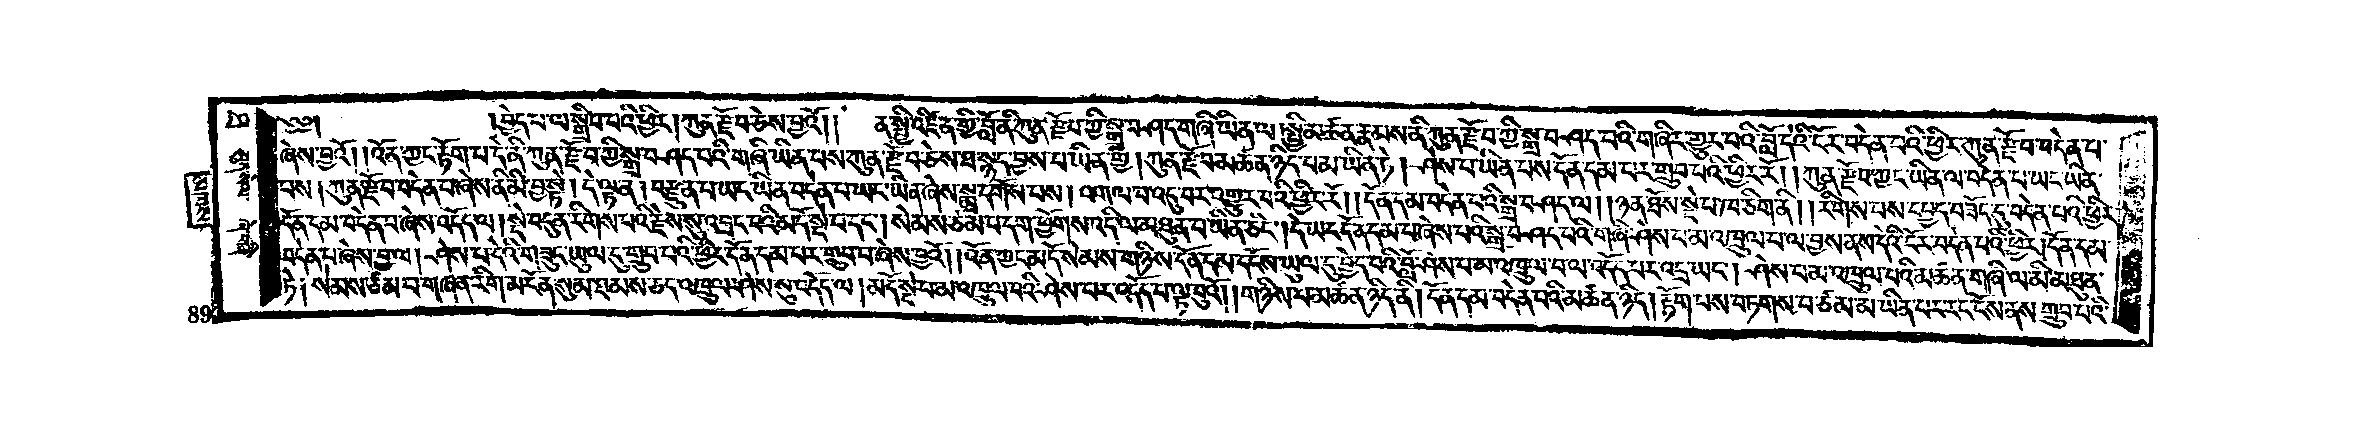༄༅། །བྱེད་པ་ལ་སྒྲིབ་པའི་ཕྱིར། ཀུན་རྫོབ་ཅེས་བྱའོ། །དེས་ན་སྤྱི་འཛིན་གྱི་བློ་ནི་ཀུན་རྫོབ་ཀྱི་སྒྲ་བཤད་གཞི་ཡིན་ལ། སྤྱི་མཚན་རྣམས་ནི་ཀུན་རྫོབ་ཀྱི་སྒྲ་བཤད་པའི་གཞིར་གྱུར་པའི་བློ་དེའི་ངོར་བདེན་པའི་ཕྱིར་ཀུན་རྫོབ་བདེན་པ་
ཞེས་བྱའོ། །འོན་ཀྱང་རྟོག་པ་དེ་ནི་ཀུན་རྫོབ་ཀྱི་སྒྲ་བཤད་པའི་གཞི་ཡིན་པས་ཀུན་རྫོབ་ཅེས་ཐ་སྙད་བྱས་པ་ཡིན་གྱི། ཀུན་རྫོབ་མཚན་ཉིད་པ་མ་ཡིན་ཏེ། ཤེས་པ་ཡིན་པས་དོན་དམ་པར་གྲུབ་པའི་ཕྱིར་རོ། །ཀུན་རྫོབ་ཀྱང་ཡིན་ལ་བདེན་པ་ཡང་ཡིན་
པས། ཀུན་རྫོབ་བདེན་པ་ཞེས་ནི་མི་བྱ་སྟེ། དེ་ལྟ་ན། བརྫུན་པ་ཡང་ཡིན་བདེན་པ་ཡང་ཡིན་ཞེས་སྨྲ་དགོས་པས། འགལ་བ་འདུ་བར་འགྱུར་བའི་ཕྱིར་རོ། །དོན་དམ་བདེན་པའི་སྒྲ་བཤད་ལ། །ཉན་ཐོས་སྡེ་པ་ཁ་ཅིག་ནི། །རིགས་པས་དཔྱད་བཟོད་དུ་བདེན་པའི་ཕྱིར་
དོན་དམ་བདེན་པ་ཞེས་འདོད་ལ། སྡེ་བདུན་རིགས་པའི་རྗེས་སུ་འབྲང་བའི་མདོ་སྡེ་པ་དང་། སེམས་ཙམ་པ་དག་ཕྱོགས་འདི་ལ་མཐུན་པ་ཡིན་ཅིང་། དེ་ཡང་དོན་དམ་པ་ཞེས་པའི་སྒྲ་བཤད་པའི་གཞི་ཤེས་པ་མ་འཁྲུལ་པ་ལ་བྱས་ནས་དེའི་ངོར་བདེན་པའི་ཕྱིར། དོན་དམ་
བདེན་པ་ཞེས་བྱ་ལ། ཤེས་པ་དེའི་གཟུང་ཡུལ་དུ་གྲུབ་པའི་ཕྱིར་དོན་དམ་པར་གྲུབ་པ་ཞེས་བྱའོ། །འོན་ཀྱང་མདོ་སེམས་གཉིས་དོན་དམ་དངོས་ཡུལ་དུ་བྱེད་པའི་བློ་ཤེས་པ་མ་འཁྲུལ་པ་ལ་འདོད་པར་འདྲ་ཡང་། ཤེས་པ་མ་འཁྲུལ་པའི་མཚན་གཞི་ལ་མི་མཐུན་
ཏེ། སེམས་ཙམ་པ་གཞན་རིག་མངོན་སུམ་ཐམས་ཅད་འཁྲུལ་ཤེས་སུ་འདོད་ལ། མདོ་སྡེ་པ་མ་འཁྲུལ་བའི་ཤེས་པར་འདོད་པ་ལྟ་བུའོ། །གཉིས་པ་མཚན་ཉིད་ནི། དོན་དམ་བདེན་པའི་མཚན་ཉིད། རྟོག་པས་བཏགས་པ་ཙམ་མ་ཡིན་པར་རང་ངོས་ནས་གྲུབ་པའི་